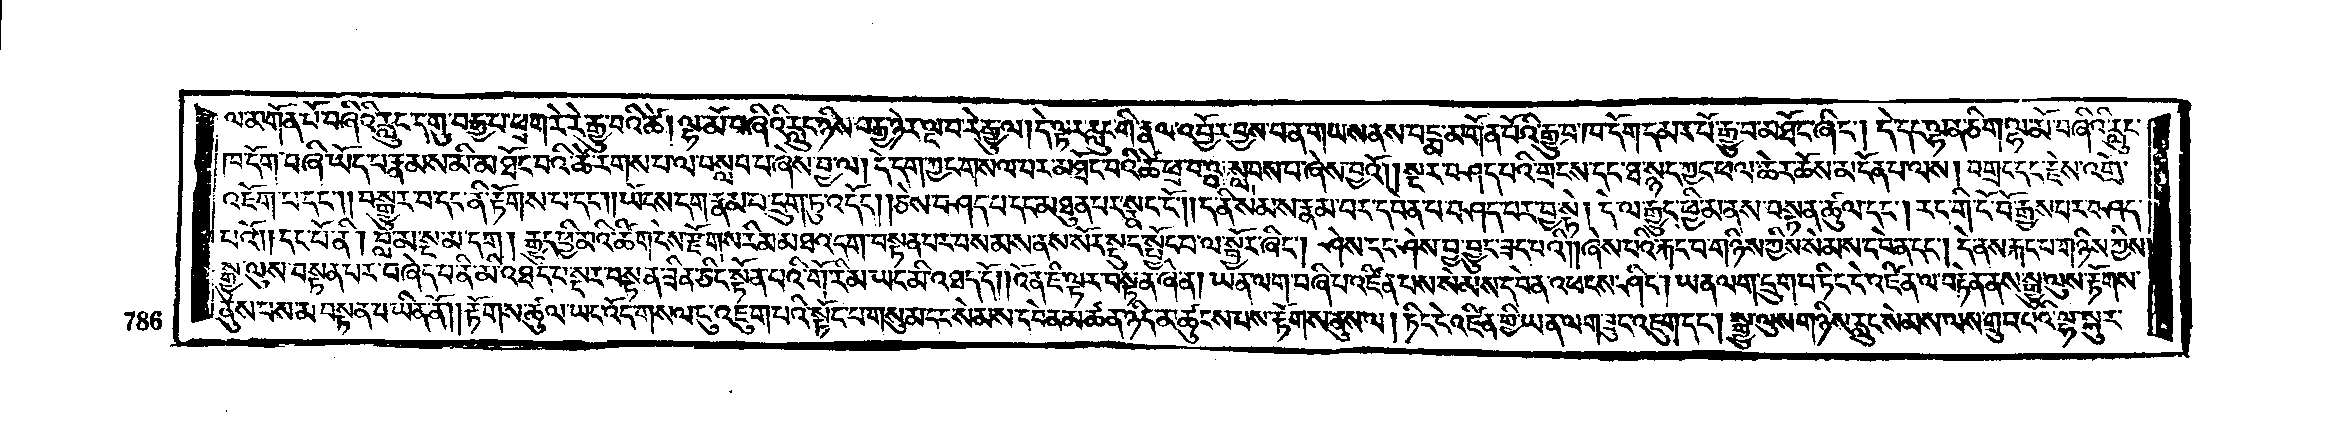ལ་མགོན་པོ་བཞིའི་རླུང་དགུ་བརྒྱ་པ་ཕྲག་རེ་རེ་རྒྱུ་བའི་ཚེ། ལྷ་མོ་བཞིའི་རླུང་ཉིས་བརྒྱ་ཉེར་ལྔ་པ་རེ་རྒྱུ་ལ། དེ་ལྟར་རླུང་གི་རྣལ་འབྱོར་བྱས་པ་ན་གཡས་ནས་པདམ་མགོན་པོའི་རྒྱུ་བ་ཁ་དོག་དམར་པོ་རྒྱུ་བ་མཐོང་ཞིང་། དེ་དང་ལྷན་ཅིག་ལྷ་མོ་བཞིའི་རླུང་
ཁ་དོག་བཞི་ཡོད་པ་རྣམས་མི་མཐོང་བའི་ཚེ་རགས་པ་ལ་བསླབ་པ་ཞེས་བྱ་ལ། དེ་དག་ཀྱང་གསལ་བར་མཐོང་བའི་ཚེ་ཕྲ་བ་ལ་བསླབས་པ་ཞེས་བྱའོ། །སྔར་བཤད་པའི་གྲངས་དང་ཐ་སྙད་ཀྱང་ཕལ་ཆེར་ཆོས་མངོན་པ་ལས། བགྲང་དང་རྗེས་འགྲོ་
འཇོག་པ་དང་། །བསྒྱུར་བ་དང་ནི་རྟོགས་པ་དང་། །ཡོངས་དག་རྣམ་པ་དྲུག་ཏུ་འདོད། །ཅེས་བཤད་པ་དང་མཐུན་པར་སྣང་ངོ། །ད་ནི་སེམས་རྣམ་པར་དབེན་པ་བཤད་པར་བྱ་སྟེ། དེ་ལ་རྒྱུད་ཕྱི་མ་ནས་བསྟན་ཚུལ་དང་། རང་གི་ངོ་བོ་རྒྱས་པར་བཤད་
པའོ། །དང་པོ་ནི། བླ་མ་སྔ་མ་དག །རྒྱུད་ཕྱི་མའི་ཚིག་ངེས་རྫོགས་རིམ་མཐའ་དག་བསྟན་པར་བསམས་ནས་སོར་སྡུད་སྤྱོད་པ་ལ་སྦྱོར་ཞིང་། ཤེས་དང་ཤེས་བྱ་བྱུང་ཟད་པའི། །ཞེས་པའི་རྐང་པ་གཉིས་ཀྱིས་སེམས་དབེན་དང་། དེ་ནས་རྐང་པ་གཉིས་ཀྱིས་
སྒྱུ་ལུས་བསྟན་པར་བཞེད་པ་ནི་མི་འཐད་པ་སྔར་བསྟན་ཟིན་ཅིང་སྟོན་པའི་གོ་རིམ་ཡང་མི་འཐད་དོ། །འོ་ན་ཇི་ལྟར་བསྟན་ཞེ་ན། ཡན་ལག་བཞི་པ་འཛིན་པས་སེམས་དབེན་འཕངས་ཤིང་། ཡན་ལག་དྲུག་པ་ཏིང་ངེ་འཛིན་ལ་བརྟེན་ནས་སྒྱུ་ལུས་རྟོགས་
ནུས་པས་མ་བསྟན་པ་ཡིན་ནོ། །རྟོགས་ཚུལ་ཡང་འོད་གསལ་དུ་འཇུག་པའི་སྟོང་པ་གསུམ་དང་སེམས་དབེན་མཚན་ཉིད་མཚུངས་པས་རྟོགས་ནུས་ལ། ཏིང་ངེ་འཛིན་གྱི་ཡན་ལག་ཟུང་འཇུག་དང་། སྒྱུ་ལུས་གཉིས་རླུང་སེམས་ལས་གྲུབ་པའི་ལྷ་སྐུར་